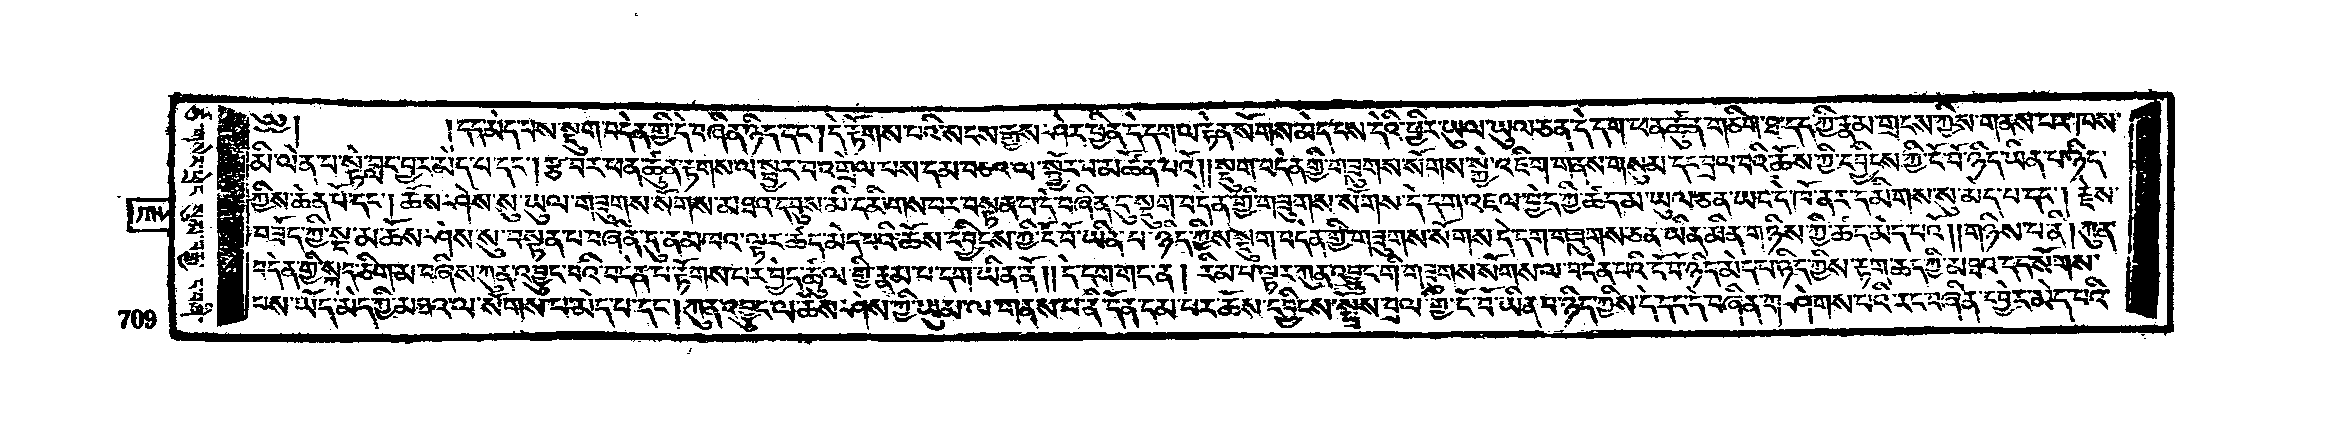༄༅། །དད་མེད་པས་སྡུག་བདེན་གྱི་དེ་བཞིན་ཉིད་དང་། དེ་རྟོགས་པའི་སངས་རྒྱས་ཤེར་ཕྱིན་དེ་དག་ལ་རྟེན་སོགས་མེད་པས་དེའི་ཕྱིར་ཡུལ་ཡུལ་ཅན་དེ་དག་ཕན་ཚུན་གཅིག་ཐ་དད་ཀྱི་རྣམ་གྲངས་ཀྱིས་གནས་པར་ཁས་
མི་ལེན་པ་སྟེ་བླང་བྱར་མེད་པ་དང་། རྩ་བར་ཕན་ཚུན་རྟགས་ལ་སྦྱར་བ་འགྲེལ་པས་དམ་བཅའ་ལ་སྦྱོར་བ་མཚོན་པའོ། །སྡུག་བདེན་གྱི་གཟུགས་སོགས་སྐྱེ་འཇིག་གནས་གསུམ་དང་བྲལ་བའི་ཆོས་ཀྱི་དབྱིངས་ཀྱི་ངོ་བོ་ཉིད་ཡིན་པ་ཉིད་
ཀྱིས་ཆེན་པོ་དང་། ཆོས་ཤས་སུ་ཡུལ་གཟུགས་སོགས་མཐའ་དབུས་མི་དམིགས་པར་བསྟན་པ་དེ་བཞིན་དུ་སྡུག་བདེན་གྱི་གཟུགས་སོགས་དེ་དག་འཇལ་བྱེད་ཀྱི་ཚད་མ་ཡུལ་ཅན་ཡང་དེ་ཁོ་ནར་དམིགས་སུ་མེད་པ་དང་། རྗེས་
བཟོད་ཀྱི་སྔ་མ་ཆོས་ཤེས་སུ་བསྟན་པ་བཞིན་དུ་ནམ་མཁའ་ལྟར་ཚད་མེད་པའི་ཆོས་དབྱིངས་ཀྱི་ངོ་བོ་ཡིན་པ་ཉིད་ཀྱིས་སྡུག་བདེན་གྱི་གཟུགས་སོགས་དེ་དག་གཟུགས་ཅན་ཡིན་མིན་གཉིས་ཀྱི་ཚད་མེད་པའོ། །གཉིས་པ་ནི། ཀུན་
བདེན་གྱི་སྐད་ཅིག་མ་བཞིས་ཀུན་འབྱུང་བའི་བདེན་པ་རྟོགས་པར་བྱེད་ཚུལ་གྱི་རྣམ་པ་དག་ཡིན་ནོ། །དེ་དག་གང་ན། རིམ་པ་ལྟར་ཀུན་འབྱུང་གི་གཟུགས་སོགས་ལ་བདེན་པའི་ངོ་བོ་ཉིད་མེད་པ་ཉིད་ཀྱིས་རྟག་ཆད་ཀྱི་མཐའ་དད་སོགས་
པས་ཡོད་མེད་ཀྱི་མཐའ་ལ་སོགས་པ་མེད་པ་དང་། ཀུན་འབྱུང་ལ་ཆོས་ཤེས་ཀྱི་ཡུམ་ལ་གནས་པ་ནི་དོན་དམ་པར་ཆོས་དབྱིངས་སྤྲོས་བྲལ་གྱི་ངོ་བོ་ཡིན་པ་ཉིད་ཀྱིས་དེ་དང་དེ་བཞིན་གཤེགས་པའི་རང་བཞིན་དབྱེར་མེད་པའི་